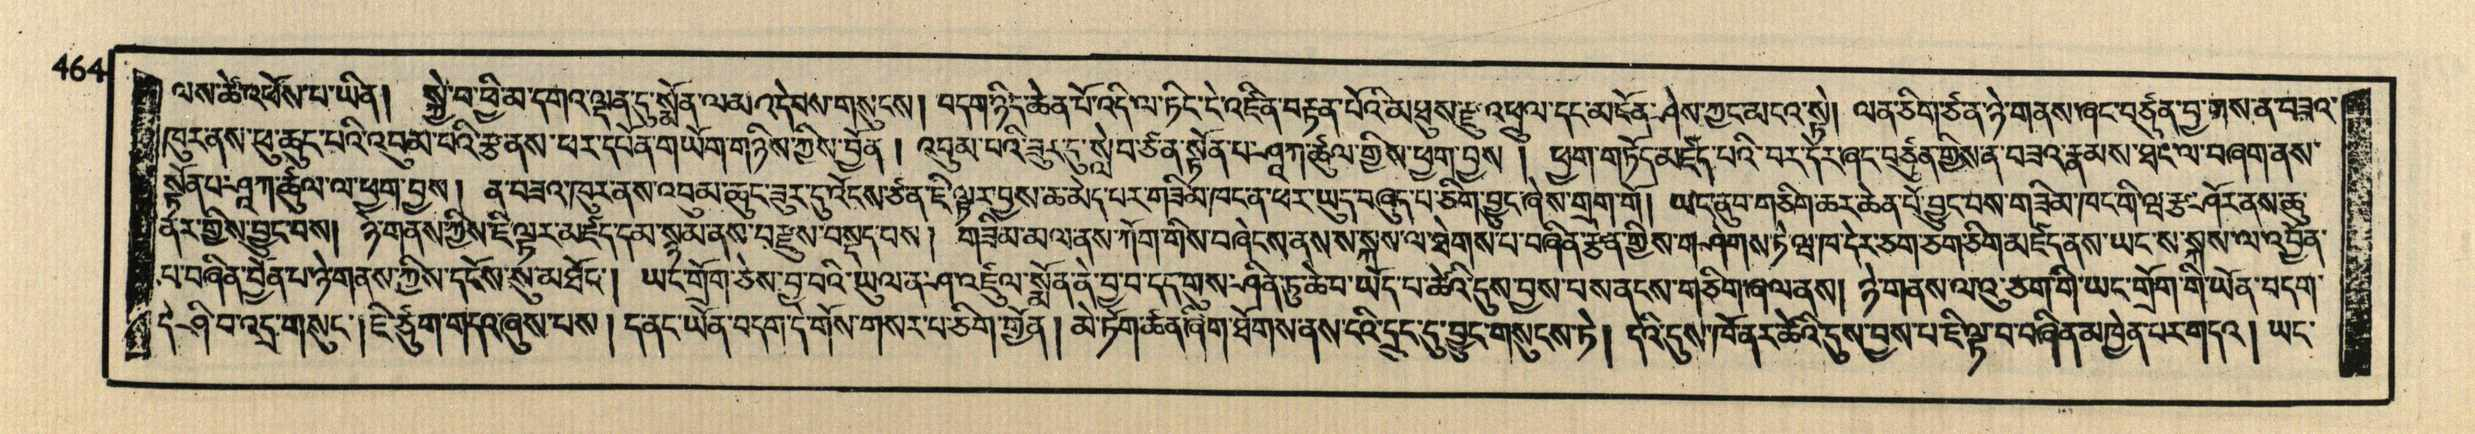ལས་ཚེ་འཕོས་པ་ཡིན། སྐྱེ་བ་ཕྱི་མ་དགའ་ལྡན་དུ་སྨོན་ལམ་འདེབས་གསུངས། བདག་ཉིད་ཆེན་པོ་འདི་ལ་ཏིང་ངེ་འཛིན་བརྟན་པོའི་མཐུས་རྫུ་འཕྲུལ་དང་མངོན་ཤེས་ཀྱང་མངའ་སྟེ། ལན་ཅིག་ཙ་ན་ཉེ་གནས་ཞང་བཙུན་བྱ་གས་ན་བཟའ་
ཁུར་ནས་ཕུ་ཆུང་པའི་འབུམ་པའི་རྩ་ནས་ཕར་དཔོན་གཡོག་གཉིས་ཀྱིས་བྱོན། འབུམ་པའི་ཟུར་དུ་སླེབ་ཙ་ན་སྟོན་པ་ཤཱཀ་ཚུལ་གྱིས་ཕྱག་བྱས། ཕྱག་གཏོད་མཛད་པའི་བར་དེར་ཞང་བཙུན་གྱིས་ན་བཟའ་རྣམས་ཐང་ལ་བཞག་ནས་
སྟོན་པ་ཤཱཀ་ཚུལ་ལ་ཕྱག་བྱས། ན་བཟའ་ཁུར་ནས་འབུམ་ཆུང་ཟུར་དུ་འོངས་ཙ་ན་ཇི་ལྟར་བྱས་ཆ་མེད་པར་གཟིམ་ཁང་ན་ཕར་ཡུད་བཞུད་པ་ཅིག་བྱུང་ཞེས་གྲག་གོ། ཡང་ནུབ་གཅིག་ཆར་ཆེན་པོ་བྱུང་བས་གཟིམ་ཁང་གི་ཝ་རྩ་ཤོར་ནས་ཆུ་
ནར་གྱིས་བྱུང་བས། ཉེ་གནས་ཀྱིས་ཇི་ལྟར་མཛད་དམ་སྙམ་ནས་བརྫུས་བསྡད་པས། གཟིམ་མལ་ནས་ཀོག་གིས་བཞེངས་ནས་ས་སྐས་ལ་ཐེགས་པ་བཞིན་རྩེན་གྱིས་གཤེགས་ཏེ་ཝ་ཁ་དེར་ཅག་ཅག་ཅིག་མཛད་ནས་ཡང་ས་སྐས་ལ་འབྱོན་
པ་བཞིན་བྱོན་པ་ཉེ་གནས་ཀྱིས་དངོས་སུ་མཐོང་། ཡང་གྲོག་ཅེས་བྱ་བའི་ཡུལ་ན་ཤ་འཛུལ་སྨོན་ནེ་བྱ་བ་དད་གུས་ཤིན་ཏུ་ཆེ་བ་ཡོད་པ་ཚེའི་དུས་བྱས་པས་ནངས་གཅིག་ཞལ་ནས། ཉེ་གནས་ལ་འུ་ཅག་གི་ཡང་གྲོག་གི་ཡོན་བདག་
དེ་ཤི་བ་འདྲ་གསུང་། ཇི་ཙུག་གདའ་ཞུས་པས། ད་ནང་ཡོན་བདག་དེ་གོས་གསར་པ་ཅིག་གྱོན། མེ་ཏོག་ཚན་ཞིག་ཐོགས་ནས་ངའི་དྲུང་དུ་བྱུང་གསུངས་ཏེ། དེའི་དུས་ཁོ་ནར་ཚེའི་དུས་བྱས་པ་ཇི་ལྟ་བ་བཞིན་མཁྱེན་པར་གདའ། ཡང་